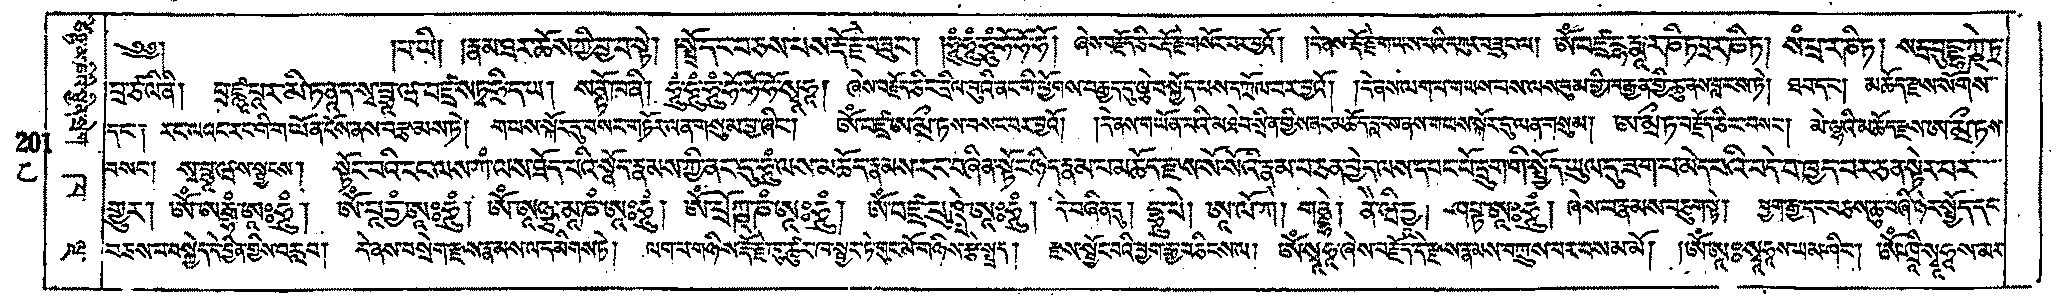༄༅། །པ་ཡི། །རྣམ་ཐར་ཆོས་ཀྱི་བྱ་བ་སྟེ། །སྤྲོ་དང་བཅས་པས་རྡོ་རྗེ་བཟུང་། །ཧཱུཾ་ཧཱུཾ་ཧཱུཾ་ཧོ་ཧོ་ཧོ། ཞེས་བརྗོད་ཅིང་རྡོ་རྗེ་གསོར་བར་བྱའོ། །དེ་ནས་རྡོ་རྗེ་གཡས་པའི་དཀུར་བཟུང་ལ།  ཨོཾ་བཛྲ་དྷརྨཱ་ར་ཎི་ཏ་པྲ་ར་ཎི་ཏ། སཾ་པྲ་ར་ཎི་ཏ། སརྦ་བུདྡྷ་ཀྵེ་ཏྲ་
པྲ་ཙ་ལི་ནི། པྲ་ཛྙཱ་པཱ་ར་མི་ཏ་ནཱ་ད་སྭཱ་བྷཱ་ཝ་བཛྲ་སཧྭ་ཧི་ད་ཡ། སནྟོ་ཁ་ནི། ཧཱུཾ་ཧཱུཾ་ཧཱུཾ་ཧོ་ཧོ་ཧོ་སྭཱཧཱ། ཞེས་བརྗོད་ཅིང་དྲིལ་བུའི་ནང་གི་ཕྱོགས་བརྒྱད་དུ་ལྕེ་བསྐྱོད་པས་དཀྲོལ་བར་བྱའོ། །དེ་ནས་ལག་པ་གཡས་པས་ལས་བུམ་གྱི་ཁ་རྒྱན་གྱི་ཆུ་ནས་བླངས་ཏེ། ཐབ་དང་། མཆོད་རྫས་སོགས་་་
དང༑ རང་ལའང་རང་གི་གཡོན་ངོས་ནས་བརྩམས་ཏེ། གཡས་སྐོར་དུ་བསང་གཏོར་ལན་གསུམ་བྱ་ཞིང་། ཨོཾ་བཛྲ་ཨ་མྲྀ་ཏས་བསང་བར་བྱའོ། །དེ་ནས་གཡོན་པའི་མཐེབ་སྲིན་གྱིས་ནང་མཆོད་བླངས་ནས་གཡས་སྐོར་དུ་ལན་གསུམ། ཨ་མྲྀ་ཏ་བརྗོད་ཅིང་བསང་། མེ་ལྷའི་མཆོད་རྫས་ཨ་མྲྀ་ཏས་
བསང་། སྭ་བྷཱ་ཝས་སྦྱངས། སྟོང་པའི་ངང་ལས་ཀཾ་ལས་ཐོད་པའི་སྣོད་རྣམས་ཀྱི་ནང་དུ་ཧཱུཾ་ལས་མཆོད་རྣམས་རང་བཞིན་སྟོང་ཉིད་རྣམ་པ་མཆོད་རྫས་སོ་སོའི་རྣམ་པ་ཅན་བྱེད་ལས་དབང་པོ་དྲུག་གི་སྤྱོད་ཡུལ་དུ་ཟག་པ་མེད་པའི་བདེ་བ་ཁྱད་པར་ཅན་སྟེར་བར་་་
གྱུར། ཨོཾ་ཨརྒྷཾ་ཨཱཿཧཱུཾ། ཨོཾ་པཱདྱཾ་ཨཱཿཧཱུཾ། ཨོཾ་ཨཱཉྩ་མཱ་ནཾ་ཨཱཿཧཱུཾ། ཨོཾ་པྲོཀྵ་ནཾ་ཨཱཿཧཱུཾ། ཨོཾ་བཛྲ་པུཥྤེ་ཨཱཿཧཱུཾ། དེ་བཞིན་དུ།  དྷཱུ་པེ། ཨཱ་ལོ་ཀེ། གནྡྷེ། ནཻ་ཝིདྱཱ། ཤཔྟ་ཨཱཿཧཱུམ། ཞེས་པ་རྣམས་བཅུག་སྟེ། ཕྱག་རྒྱ་དང་བཅས་ཆུ་བཞི་ཉེར་སྤྱོད་དང་
བཅས་པ་བསྐྱེད་དེ་བྱིན་གྱིས་བརླབ། དེ་ནས་བསྲེག་རྫས་རྣམས་ལ་དམིགས་ཏེ། ལག་པ་གཉིས་རྡོ་རྗེ་ཁུ་ཚུར་ཁ་སྦྱར་ཏེ་གུང་མོ་གཉིས་རྩེ་སྤྲད། རྫས་སྦྱོང་བའི་ཕྱག་རྒྱ་བཅིངས་ལ། ཨོཾ་སྭཱཧཱ་ཞེས་བརྗོད་དེ་རྫས་རྣམས་བཀྲུས་པར་བསམ་མོ། །ཨོཾ་ཨཱཿསྭཱཧཱ་ས་ཡམ་ཤིང་།  ཨོཾ་ཤྲཱི་སྭཱཧཱས་མར་